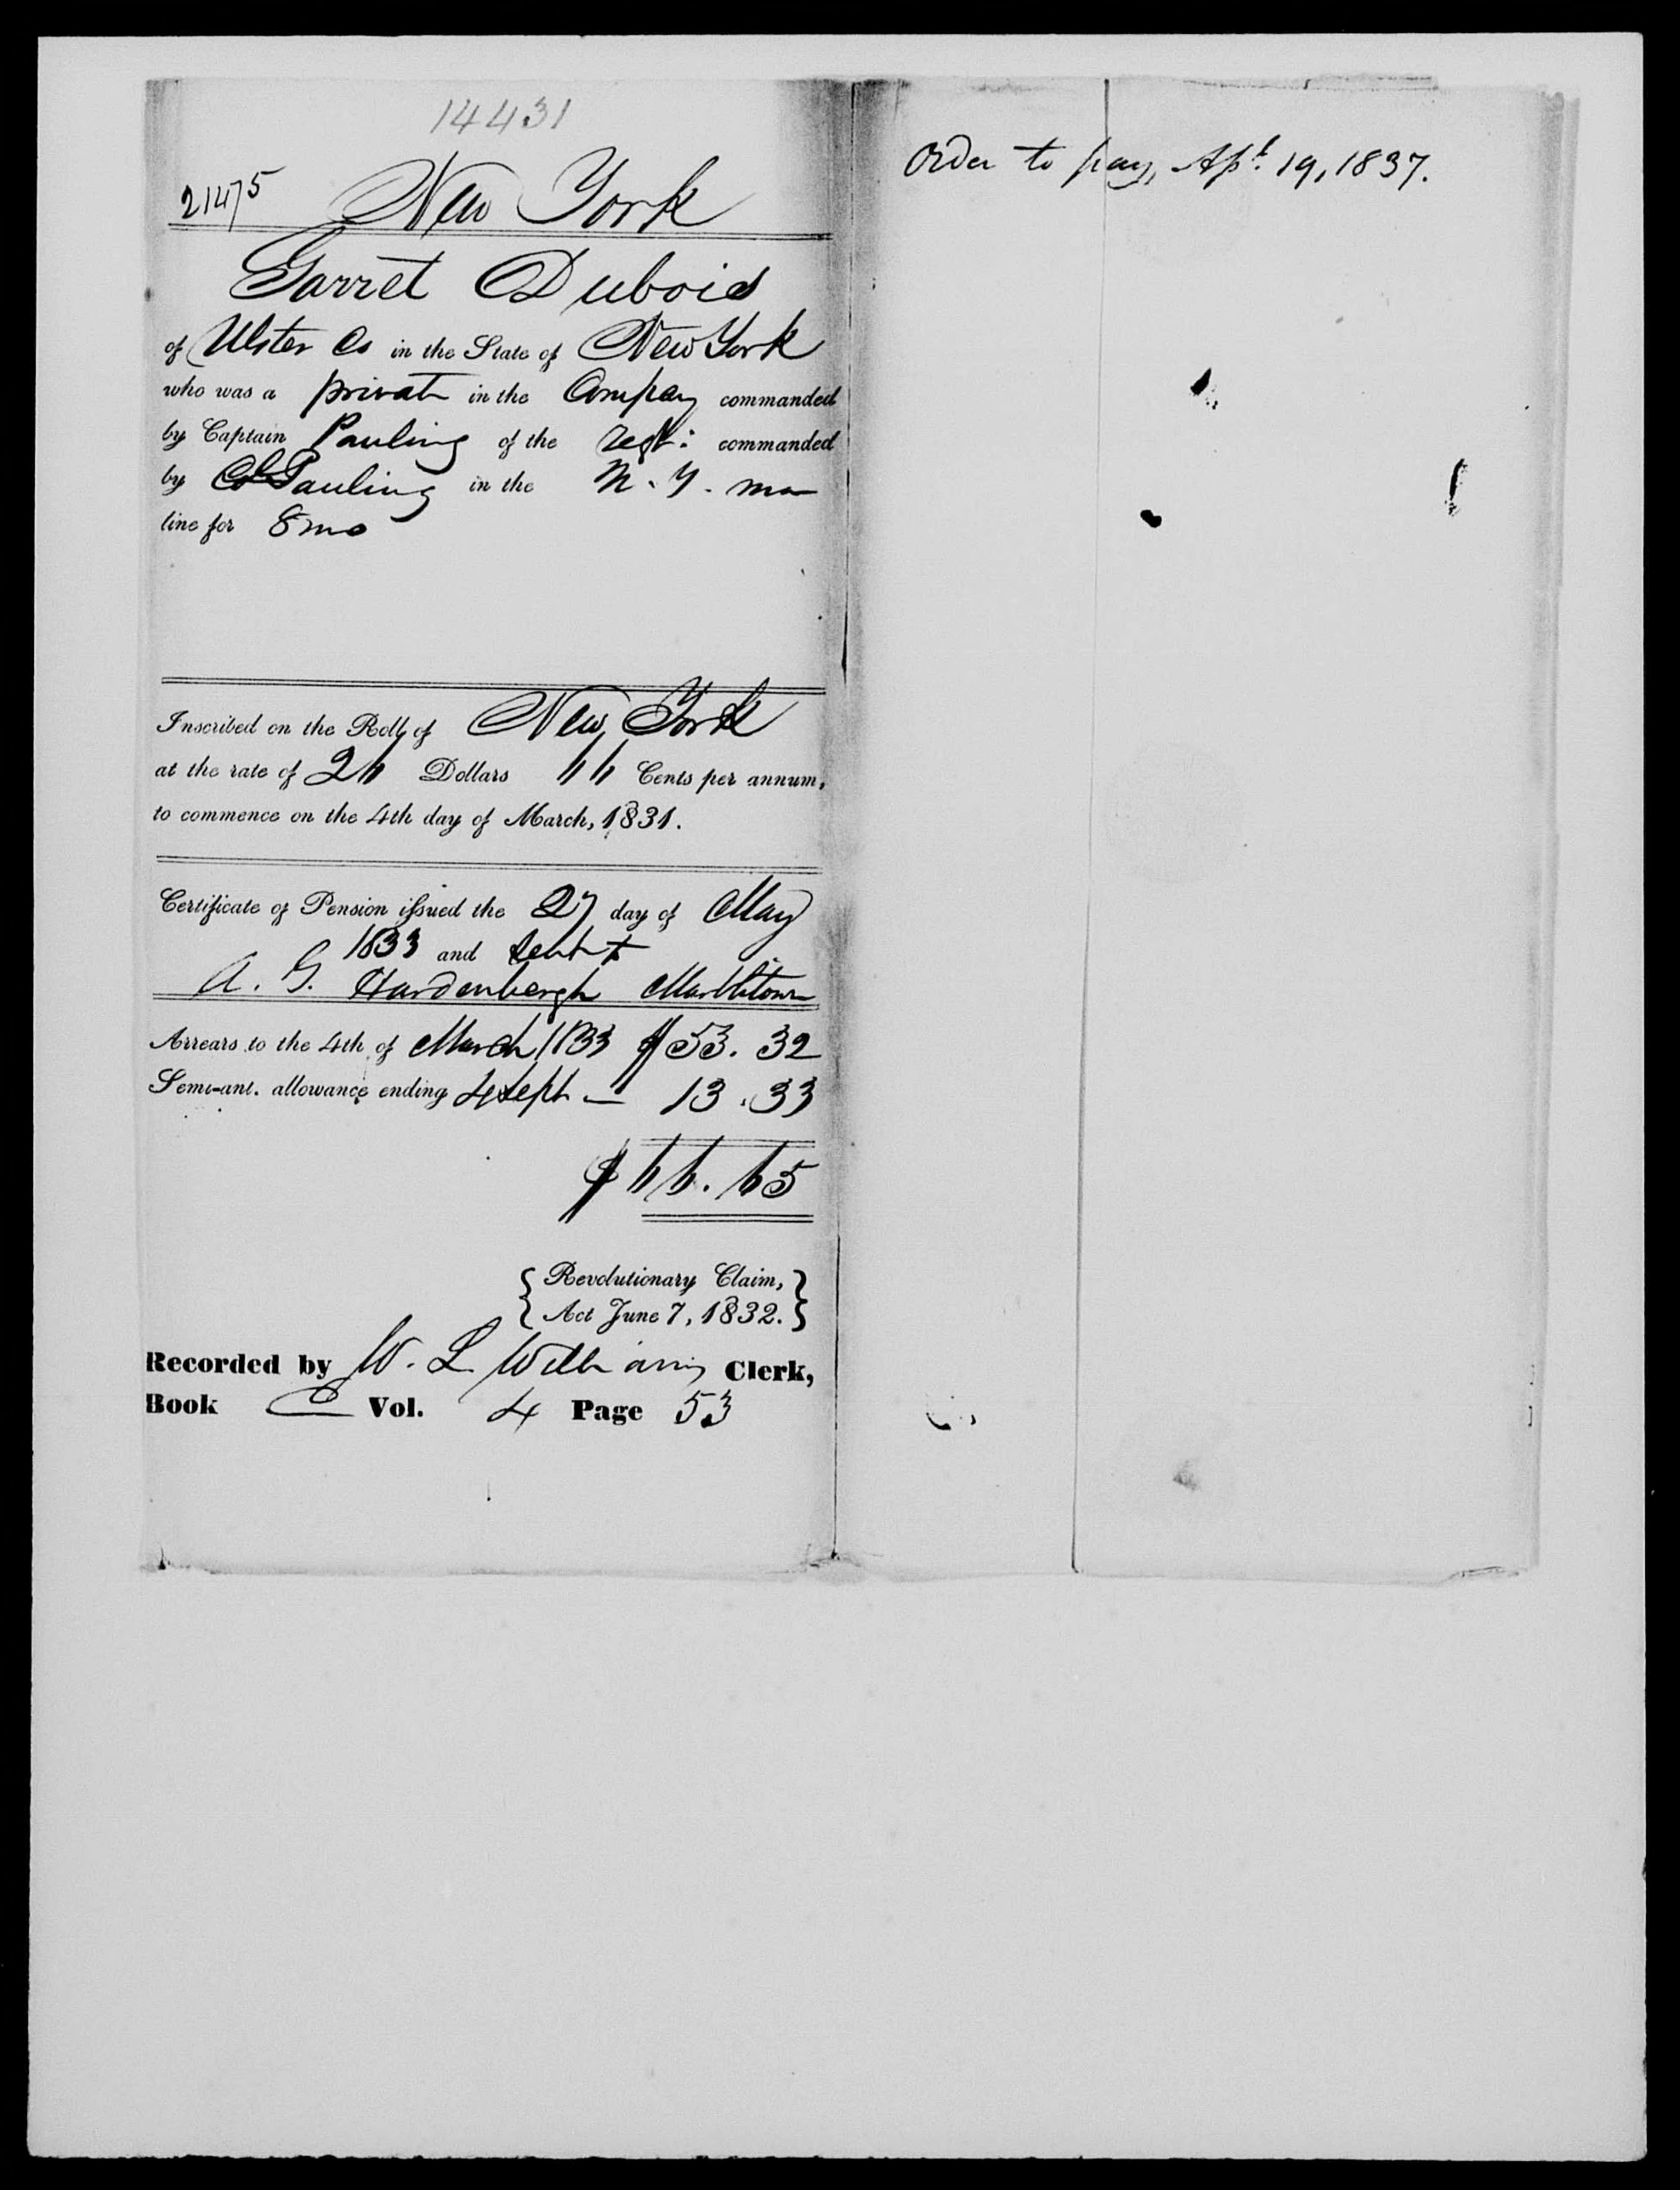[left facing page]
14431
21475 New York
Garret Dubois
of Ulster Co in the State of New York
who was a private in the Company commanded
by Captain Pauling of the Regt. commanded
by Col Pauling in the N.Y. Man
line for 8 mo
Inscribed on the Roll of New York 
at the rate of 26 Dollars 44 Cents per annum
to commence on the 4th day of March, 1831.
Certificate of Pension issued the 27 day of May
1833 and Sent to
A. G. Hardenbergh Marbletown
Arrears to the 4th of March 1833   $53.32
Semi-ant. allowance ending Sept -   13.33
$66.65
-
{Revolutionary Claim,}
{Act June 7, 1832.}
Recorded by W.L. Williams Clerk,
Book C Vol. 4 Page 53

[right facing page]
Order to pay, Ap'l. 19, 1837.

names: Pauling, W L Williams, A G Hardenbergh, Pauling, Garret Dubois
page: 3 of 36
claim: widow's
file: W 20995, Gerrit Dubois, New York